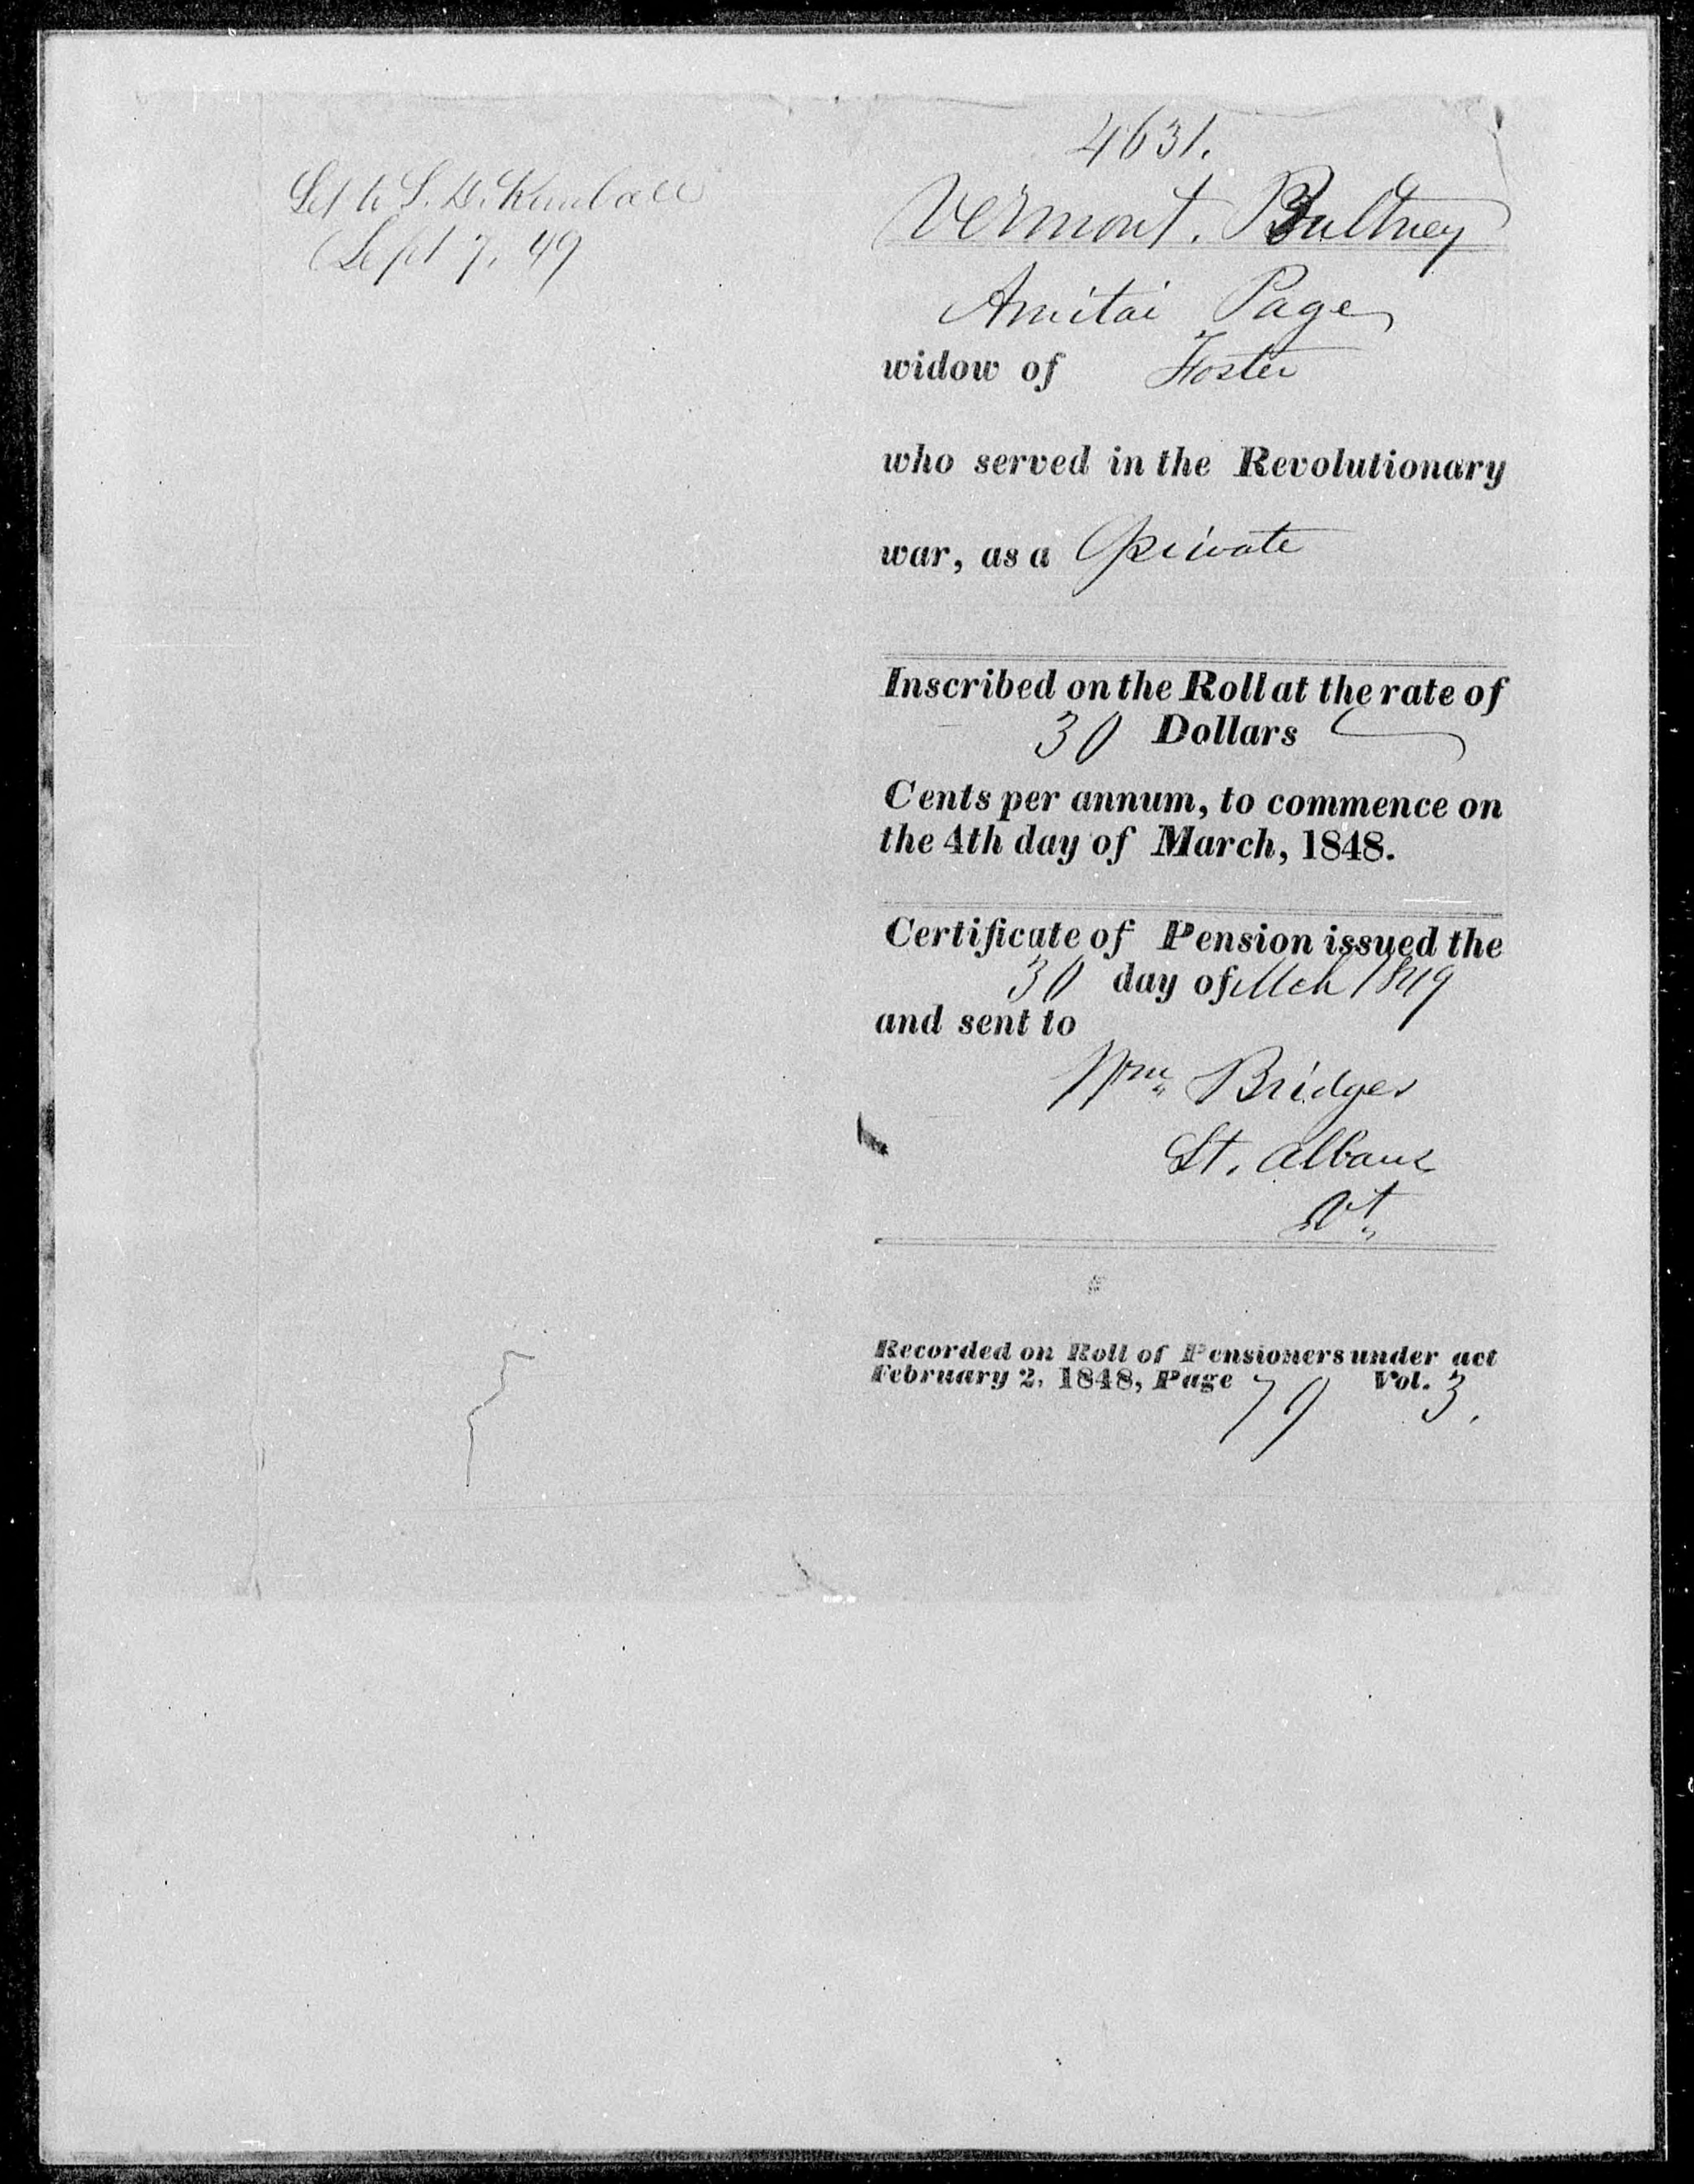Let to S. D. Kimball
Sept 7, 49
4631.
Vermont. Poultney
Amitai Page
widow of
Foster
who served in the Revolutionary
war, as a private
Inscribed on the Roll at the rate of
30 Dollars -
Cents per annum, to commence on
the 4th day of March, 1848.
Certificate of Pension issued the
30 day of Mch 1819
and sent to
Wm Bridges
St. Albans
Vt
Recorded on Roll of Pensioners under act
February 2, 1848, Page 79 Vol.3.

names: Foster Page; Wm Bridges; S D Kimball; Amitai Page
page: 23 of 40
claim: widow's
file: W. 15168, for Foster Paige, Massachusetts